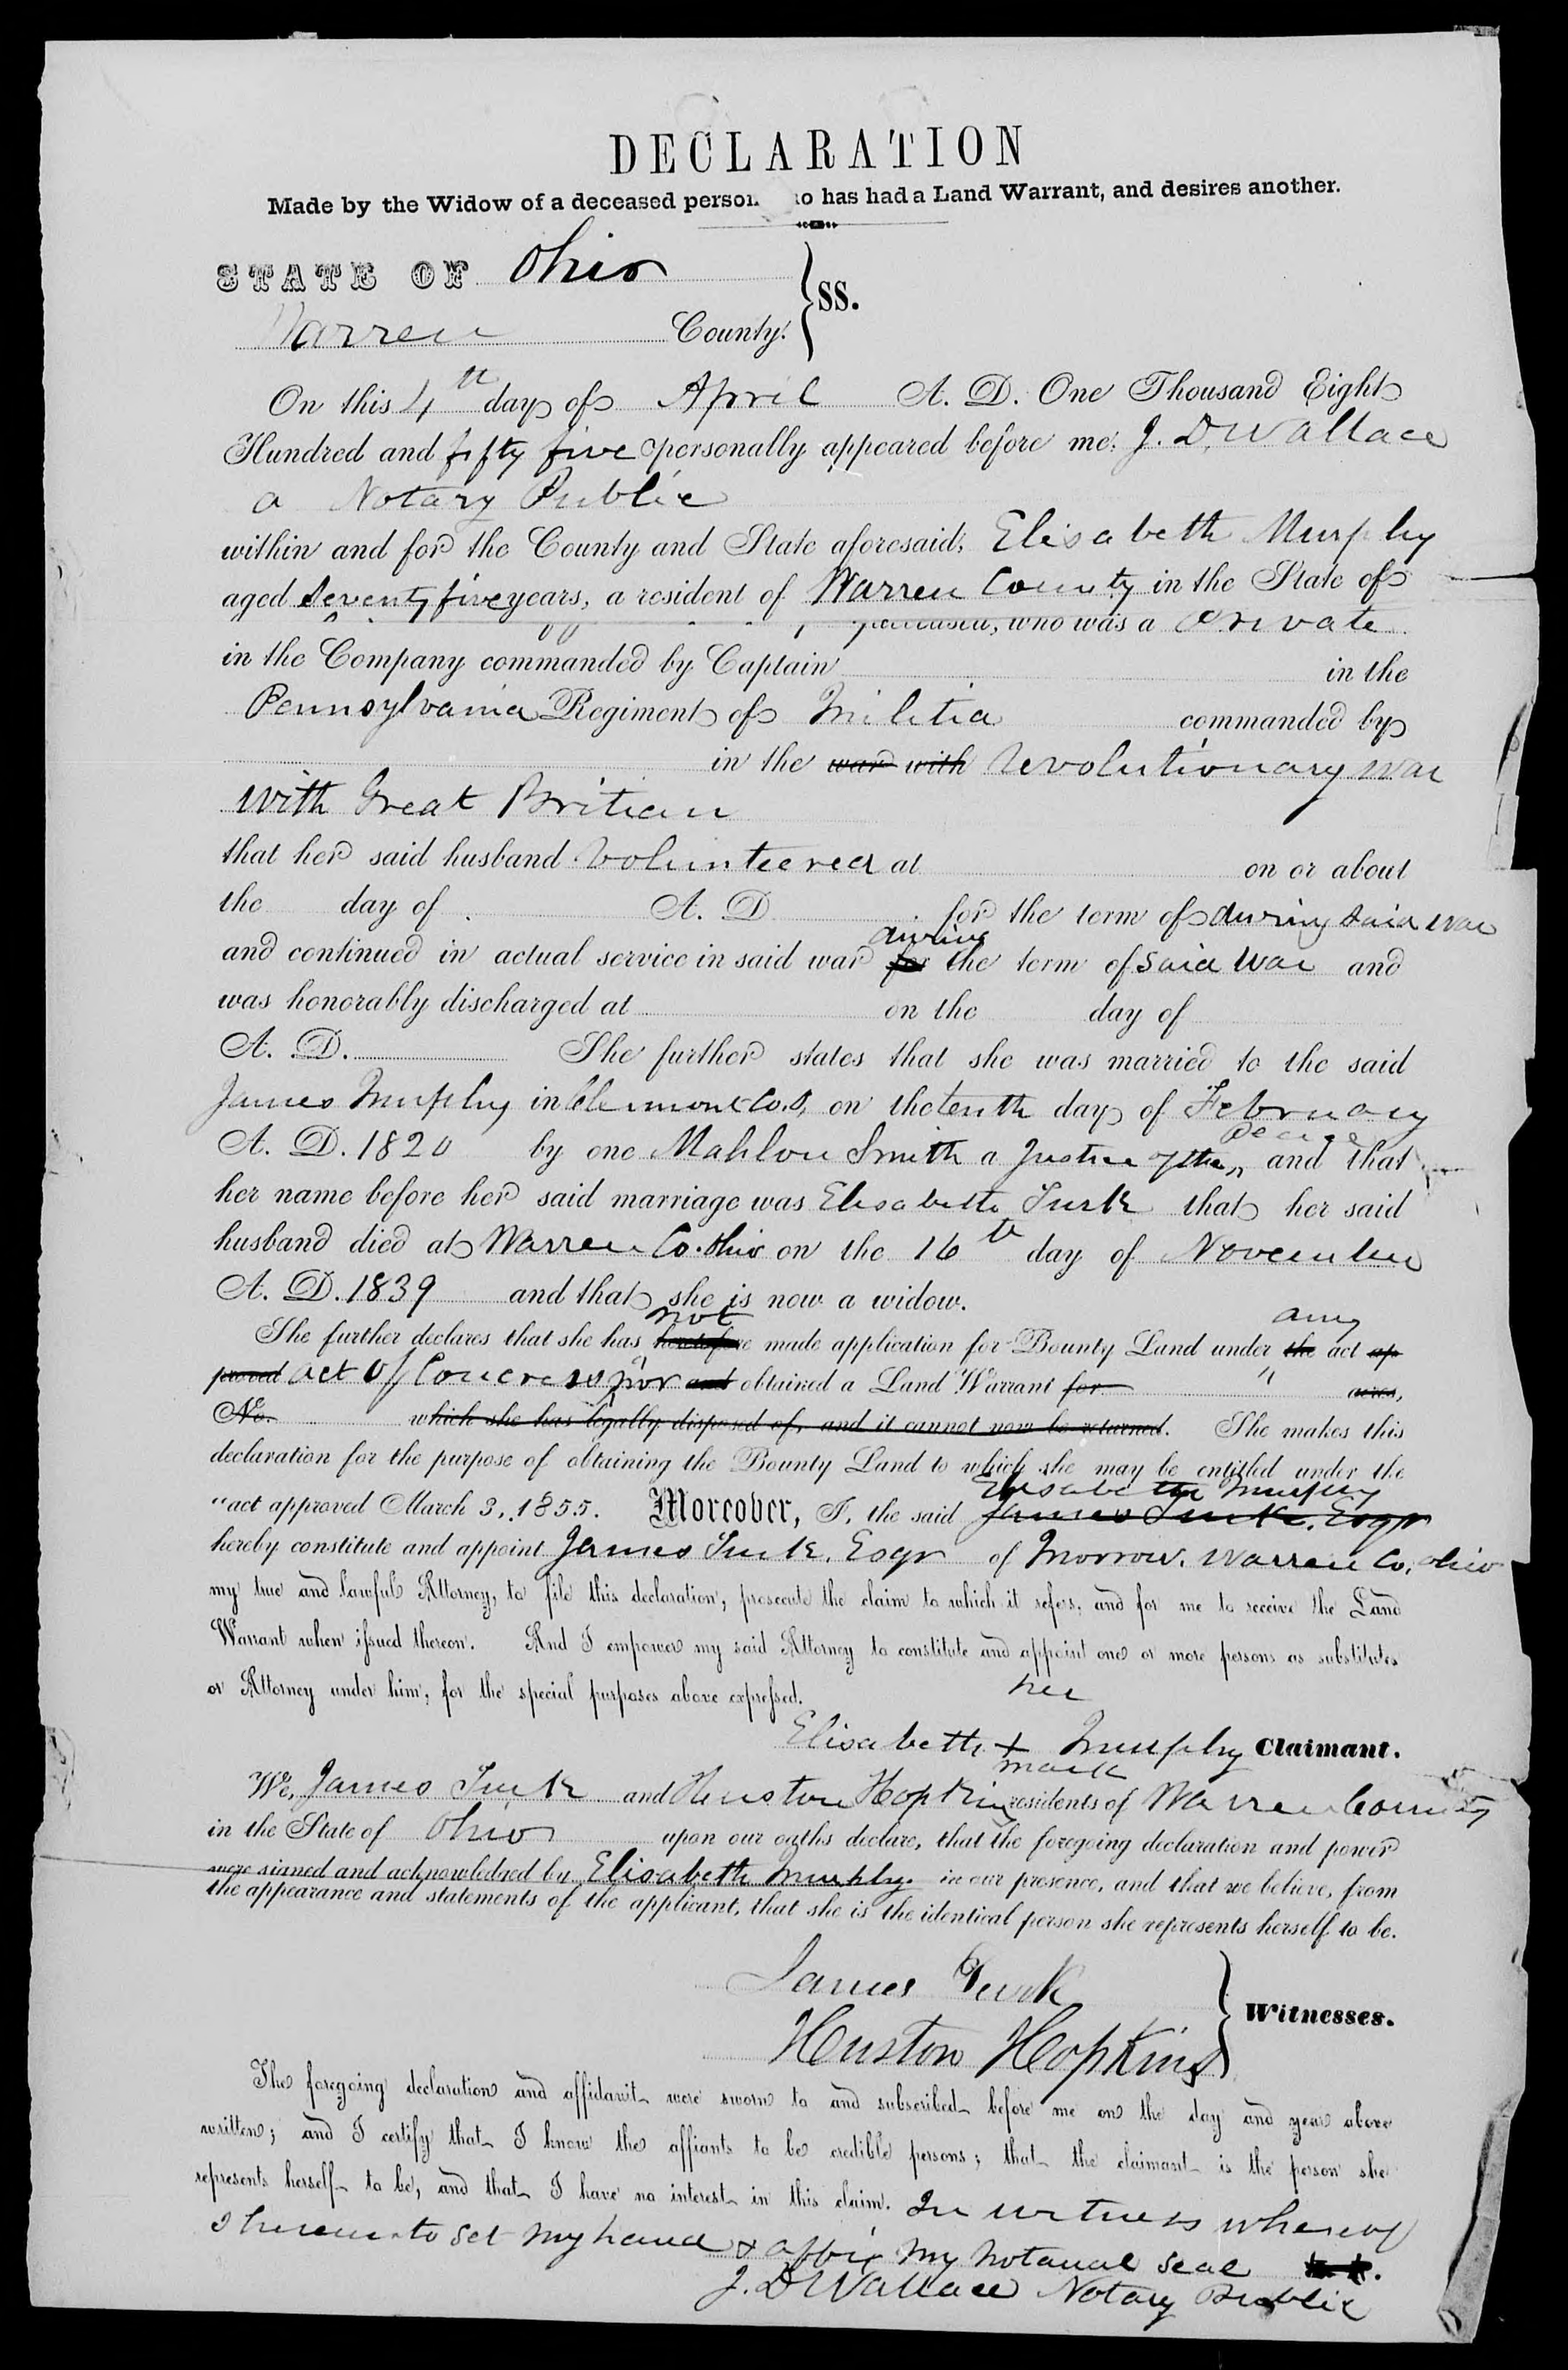DECLARATION
Made by the Widow of a deceased person who has had a Land Warrant, and desires another.
STATE OF Ohio
Warren County.    SS

On this 4th day of April A.D. One Thousand Eight
Hundred and fifty five personally appeared before me J. D. Wallace
a Notary Public
within and for the County and State aforesaid, Elizabeth Murphy
aged Seventy five years, a resident of Warren County in the State of
[  fold in page ], who was a private
in the Company commanded by Captain ______ in the 
Pennsylvania Regiment of Militia commanded by
_______  in the  Revolutionary war
with Great Britian
that her said husband volunteered at _____ on or about
the  __ day of  ______ A. D. _____ , for the term of during said war
and continued in actual service in said war during the term of said war and
was honorably discharged at _____ on the ____ day of ____
A.D. _____  The further states that she was married to the said
James Murphy in Clermont Co. on the tenth day of February
A. D. 1820
by one Mahlon Smith a Justice of the and that
her name before her said marriage was Elisabeth Turk that her said
husband died at Warren Co. Ohio on the 16th day of November
A.D. 1839 and that she is now a widow

She further declares that she has not made application for Bounty Land under any act
act of Congress nor obtained a Land Warrant.
She makes this
declaration for the purpose of obtaining the Bounty Land to which she may be entitled under the
act approved March 3, 1855. Morover, I, the said Elizabeth Murphy, hereby constitute and appoint James Turk, Esqr of Morrow, Warren Co. Ohio
my hue and Lawful Money, to file this declaration, precede the claim to which it refers, and for me to recieve the Land
Warrant when issued thereon. And I empower my said attorney to constitute and appoint one or more persons as to substitutes
or Attorney under him, for the special purposes above expressed.
her
Elisabeth Murphy  X her mark  Claimant

We, James Turk and Huston Hopkins residents of Warren County
in the State of Ohio upon our oaths declare, that the foregoing declaration and power
[  ]  signed and acknowledged by Elizabeth Murphy in our presence, and that we believe, from
the appearance and statements of the
applicant, that she is the identical person she represents herself to be.
witnesses
James Turk /s/
Huston Hopkins /s/

The foregoing declaration and affidavit were sworn to and subscribed before me on the day and year above
written; and I certify that I know the affiants to be credible persons; that the claimant is the person she
presents herself to be, and that I have no interest in this claim. In witness whereof
I hereunto set my hand & affix my Notarial seal
J. D. Wallace /s/  Notary Public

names: Huston Hopkins; James Murphy; James Turk; Elisabeth Turk; Mahlow Smith; J D Wallace; Elisabeth Murphy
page: 28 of 57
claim: widow's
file: W. 25,739, for James Murphey, Pennsylvania